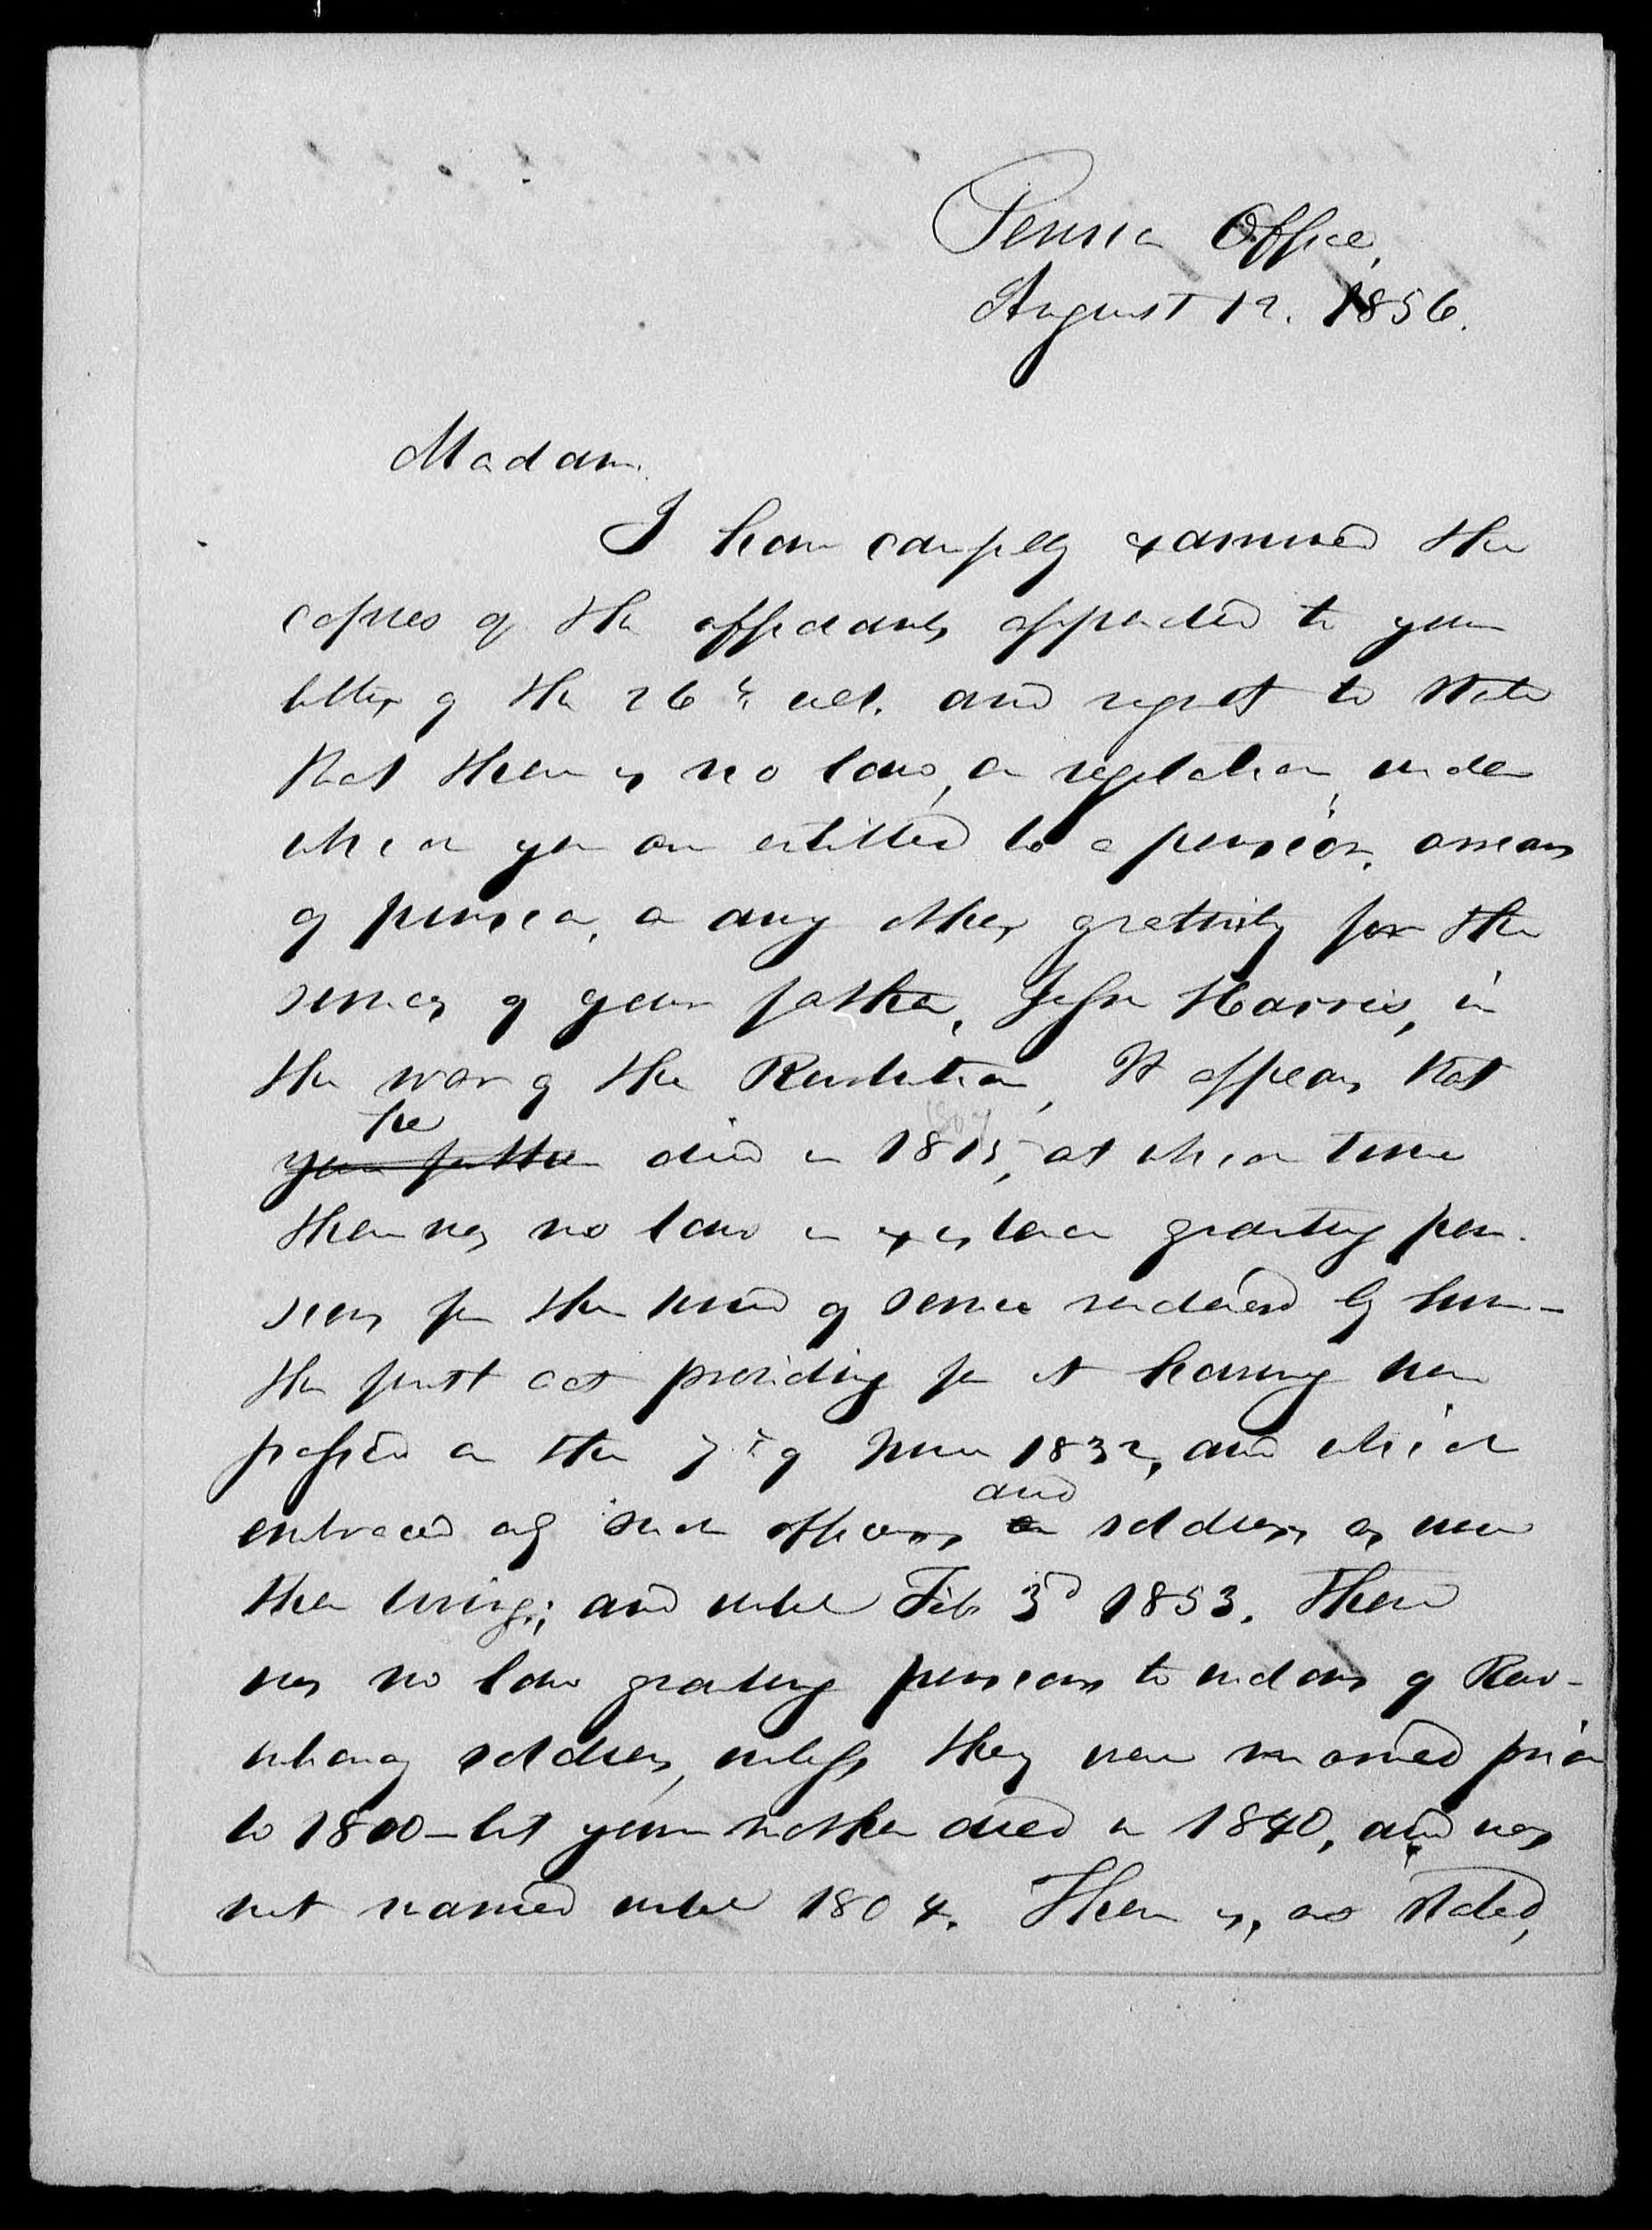Pension Office
August 19 1856
Madam
I have carefully examined the copies of the affidavits attached to your letter of the 26th and regret to state that there is no law or regulation under which you are entitled to a pension, arrears of pension, or any other gratuity for the services of your father, Jesse Harris in the war of the Revolution.  It appears that he died in 1805, at which time there was no law or [blank] granting [blank] for term of service rendered by him. The first act providing for it passing was [blank] the 7th June 1832, and which entered as such officers and soldiers as were then living; and until Feb 3rd 1853.  There was no law granting pensions to widows of Revolutionary soldiers, unless they were named prior to 1800. [blank] your mother died in 1840 and was not named until 1804. Then, as noted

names: Jesse Harris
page: 12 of 32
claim: rejected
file: R. 4655, Jesse Harris, N.C.